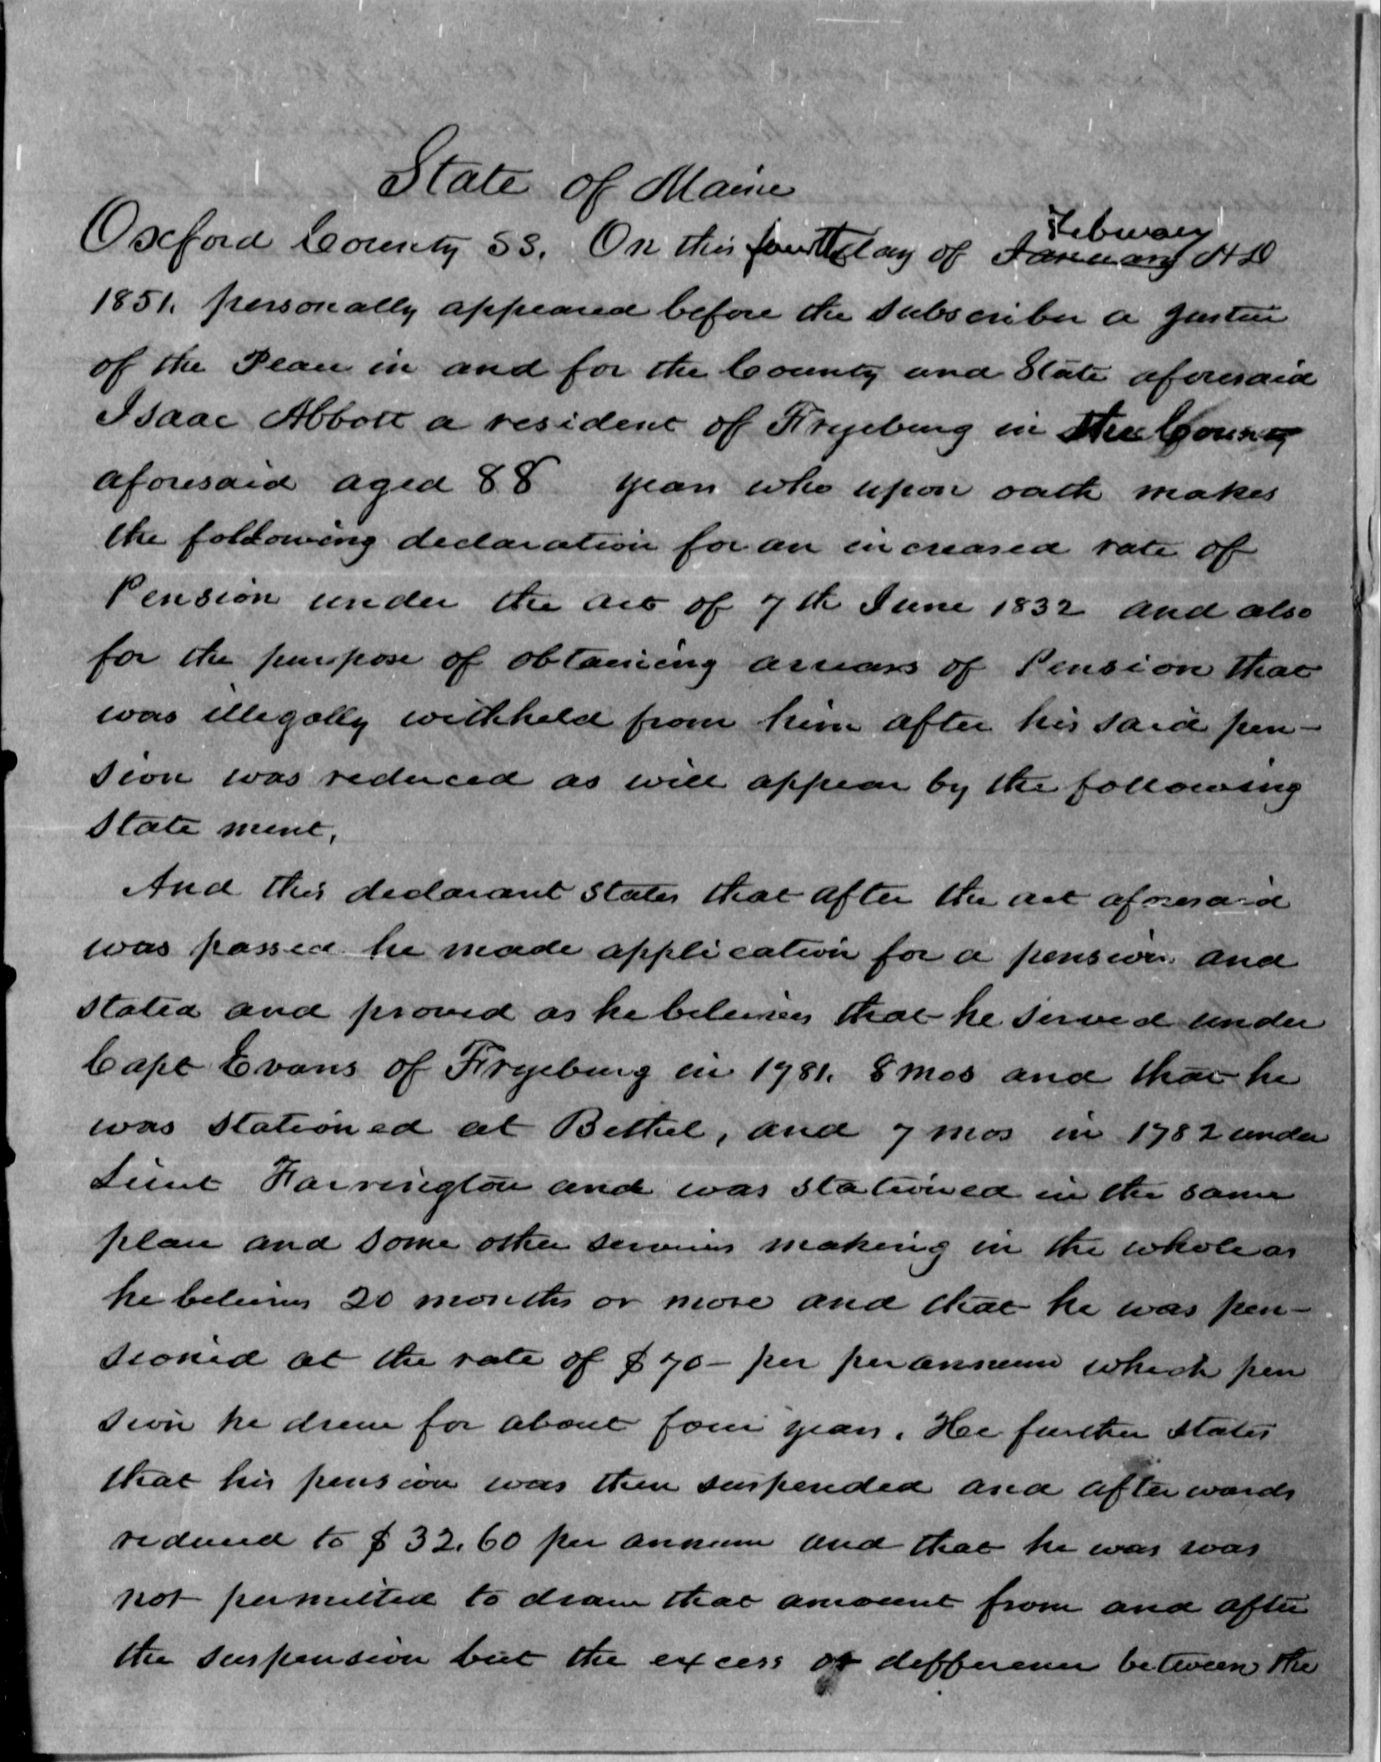State of Maine
Oxford County, SS. On this fourth day of February A.D. 1851, personally appeared before the subscriber a Justice of the Peace in and for the County and State aforesaid. Isaac Abbott, a resident of Fryeburg in the County aforesaid, aged 88 years, who upon oath makes the following declaration for an increased rate of Pension under the Act of 7th June 1832 and also for the purpose of obtaining arrears of Pension that was illegally withheld from him after his said pension was reduced as will appear by the following statement.
And this declarant states that after the Act aforesaid was passed, he made application for a pension and stated and proved as he believes that he served under Capt. Evans of Fryeburg in 1781, 8 mos and that he was stationed at Bethel, and 7 mos in 1782 under Lieut. Farrington, and was stationed in the same place and some other services making in the whole as he believes 20 months or more and that he was pensioned at the rate of $70- per annum, which pension he drew for about four years. He further states that his pension was then suspended and afterwards reduced to $32.60 per annum and that he was not permitted to draw from that amount from and after the suspension, but the excess of difference between the
...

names: Farrington, Isaac Abbott, Evans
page: 75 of 86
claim: survivor's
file: S 29,568, Isaac Abbot, Mass